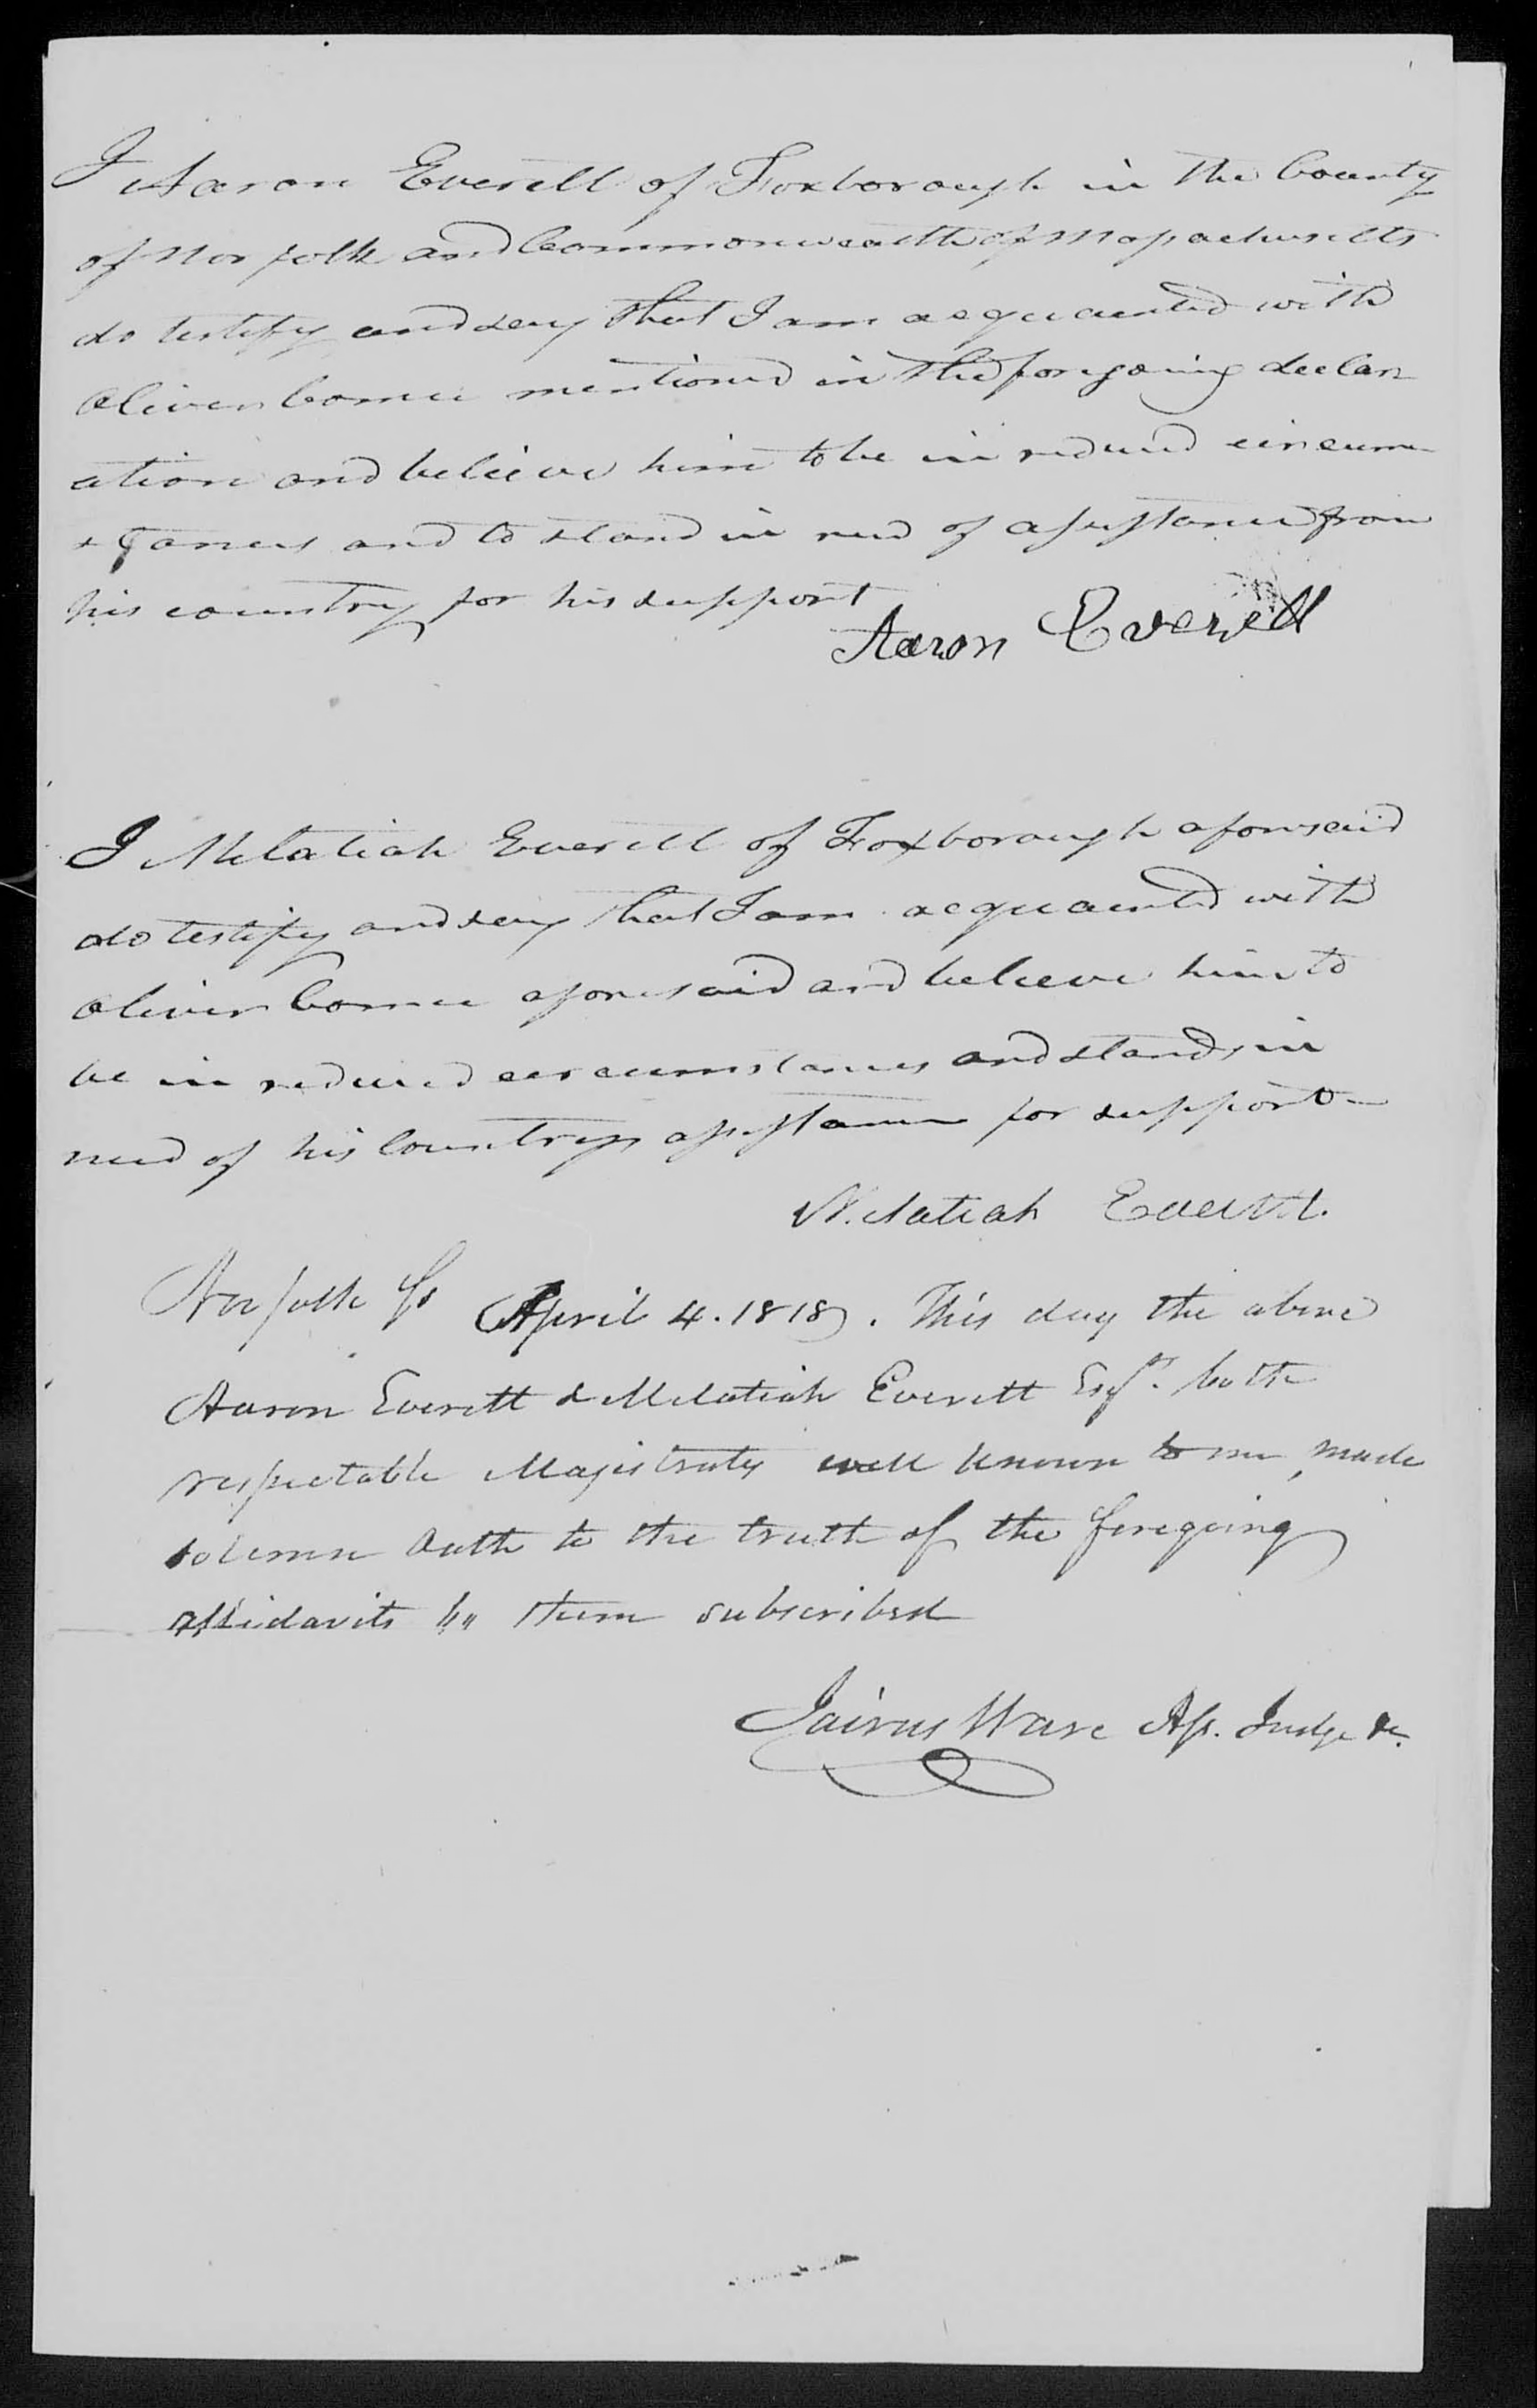I Aaron Everett of Foxborough in the County of Norfolk and Commonwealth of Massachusetts do testify and say that I am acquainted with Oliver Comee mentioned in the foregoing declaration and believe him to be in reduced circumstances and to stand in need of assistance from his country for his support Aaron Everett

I Melatiah Everett of Foxborough aforesaid do testify and say that I am acquainted with Oliver Comee aforesaid and believe him to be in reduced circumstances and stand in need of his countrys assistance for support -
Melatiah Everett 

Norfolk Ss April 4. 1818. This day the above Aaron Everett & Melatiah Everett Esq both respectable magistrates well known to me, made solemn oath to the truth of the foregoing affidavits by them subscribed 
Jairus Ware Ass. Judge &c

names: Aaron Everett, Oliver Comee, Melatiah Everett, Jairus Ware, Aaron Everett, Oliver Comee, Aaron Everett, Melatiah Everett, Melatiah Everett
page: 31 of 45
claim: widow's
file: W. 14,567, Oliver Comee, Mass.